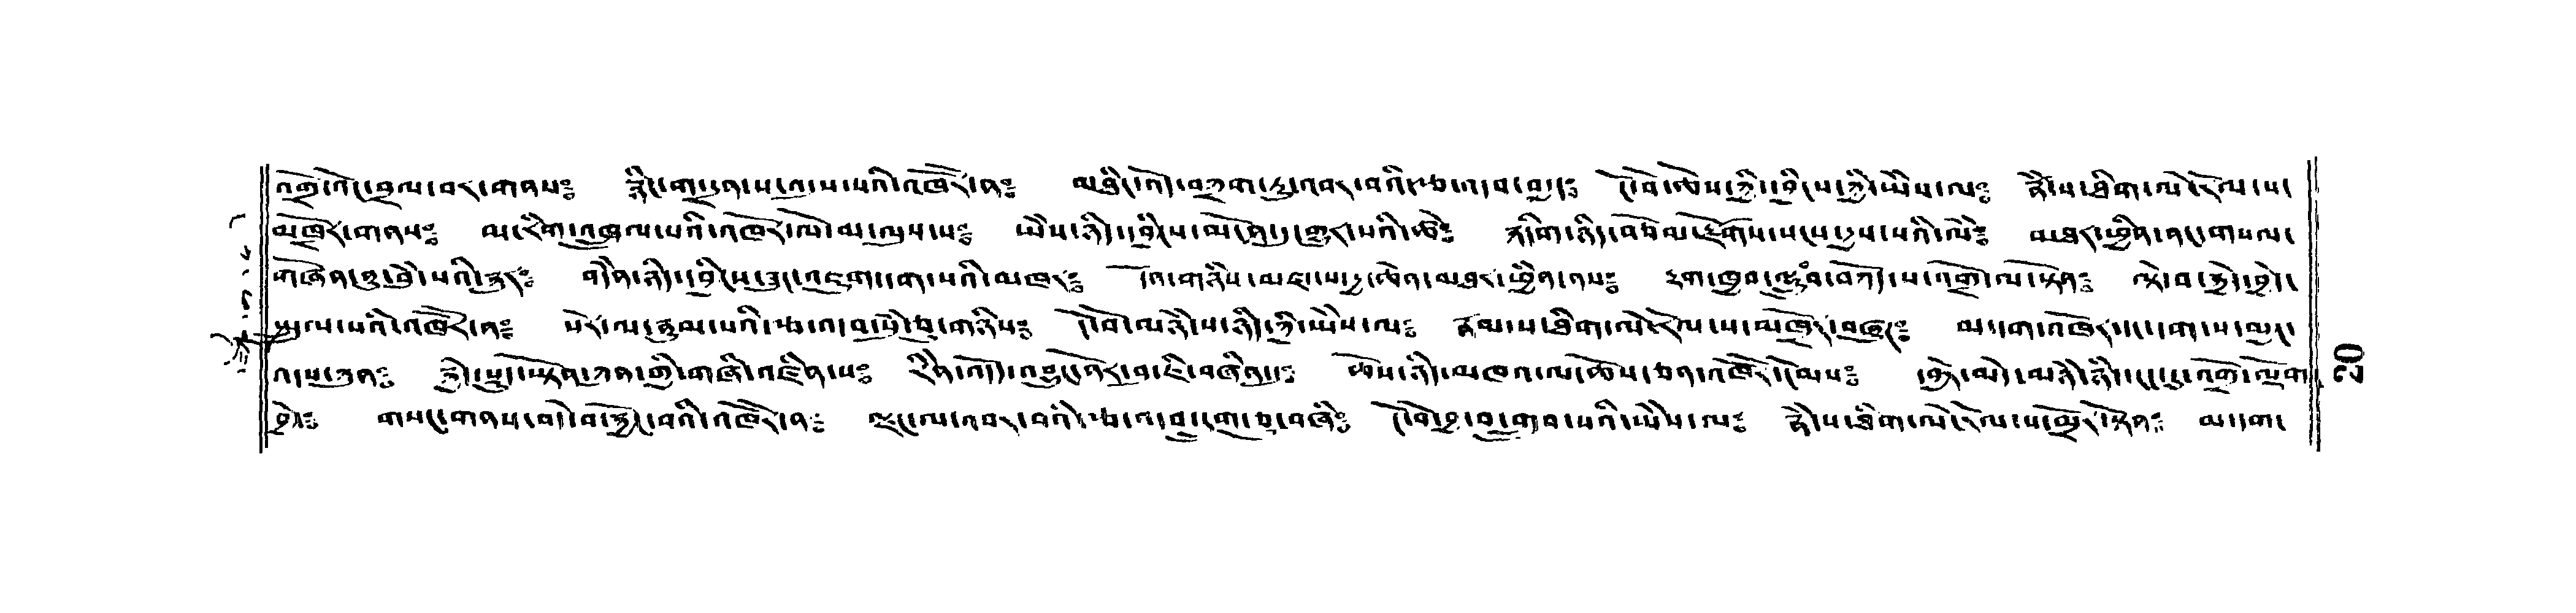འགྲོ་འོང་བྲལ་བར་གནས༔ སྙིང་ག་དྲན་པ་འདུས་པའི་འཁོར་ལོ་ན༔ མཐིང་འོད་བཀྲག་ཏུ་འབར་བའི་རྩ་འདབ་བརྒྱད༔ ངོ་བོ་ཆོས་ཀྱི་དབྱིངས་ཀྱི་ཡེ་ཤེས་ལ༔ རྣམ་པ་ཐིག་ལེ་རོལ་
པ་མཁའ་འགྲོར་གནས༔ མ་རིག་འཁྲུལ་པའི་འཁོར་ལོ་མ་ལུས་པ༔ ཡེ་ཤེས་ཉིད་དབྱིངས་མངོན་དུ་གྱུར་པའི་ཚེ༔ སྐད་ཅིག་ཉིད་བཅོམ་རྫོགས་སངས་རྒྱས་པའི་ལམ༔ མཐར་ཕྱིན་ནང་གསལ་
གཞོན་ནུ་བུམ་པའི་སྐུར༔ བདེ་ཆེན་ཉིད་དབྱིངས་ཟུང་འཇུག་དག་པའི་མཁར༔ དོན་གཉིས་མཛད་པ་རྒྱ་ཆེན་མཐར་ཕྱིན་ནས༔ རྟག་ཁྱབ་ལྷུན་གྲུབ་བཀོད་པ་འགྲོ་ལ་སྟོན༔ ལྟེ་བ་སྐྱེད་བྱེད་
སྤྲུལ་པའི་འཁོར་ལོ་ན༔ སེར་ལ་སྣུམ་པའི་རྩ་འདབ་སུམ་ཅུ་གཉིས༔ ངོ་བོ་མཉམ་པ་ཉིད་ཀྱི་ཡེ་ཤེས་ལ༔ རྣམ་པ་ཐིག་ལེ་རོལ་པ་མཁའ་འགྲོར་བཞུགས༔ མ་དག་འཁོར་དང་དག་པ་མྱང་
འདས་ཀུན༔ སྐྱེད་སྡུད་ཡོན་ཏན་ཀུན་གྱི་གཞི་འཛིན་པ༔ རིན་ཆེན་འདོད་འབྱུང་ནོར་བུ་ཇི་བཞིན་དུ༔ ཆོས་ཉིད་མཁའ་ལ་ཆོས་ཅན་འཁོར་ལོར་ངོམ༔ དབྱེར་མེད་མཉམ་ཉིད་ངང་དུ་འགྲོ་ལྡོག་
བྱེད༔ གསང་གནས་བདེ་བ་སྐྱོང་བའི་འཁོར་ལོ་ན༔ ལྗང་ལ་འབར་བའི་རྩ་འདབ་དྲུག་ཅུ་བཞི༔ ངོ་བོ་བྱ་བ་གྲུབ་པའི་ཡེ་ཤེས་ལ༔ རྣམ་པ་ཐིག་ལེ་རོལ་པ་མཁའ་འགྲོར་སྟོན༔ མ་དག་